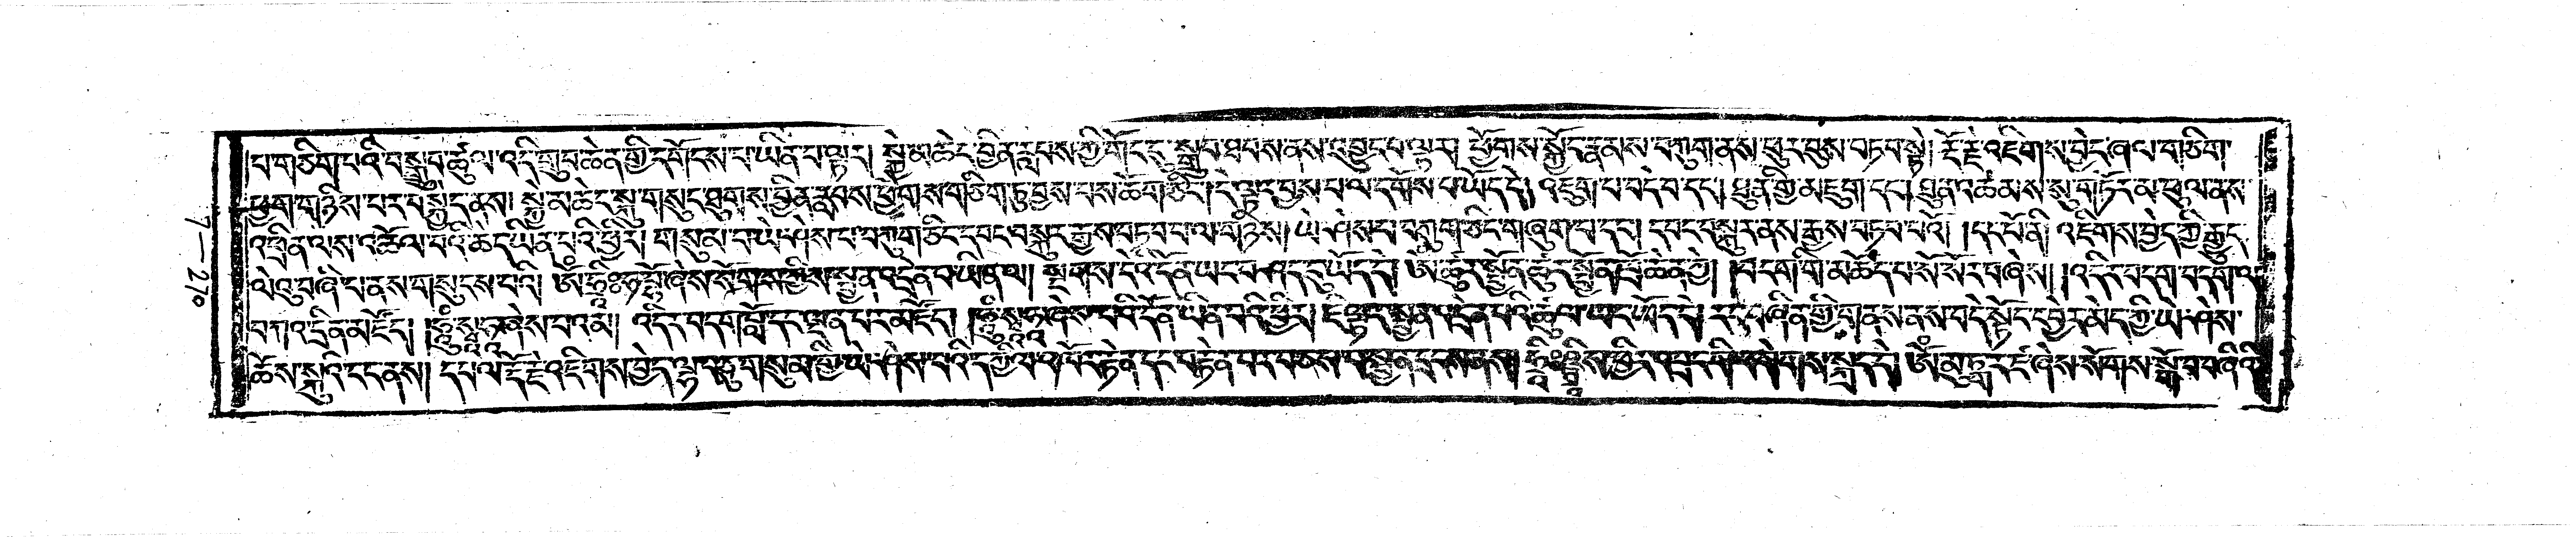པ་གཅིག་པའི་བསྒྲུབ་ཚུལ་འདི་གྲུབ་ཆེན་གྱི་དགོངས་པ་ཡིན་པ་ལྟར། སྐྱེ་མཆེད་བྱིན་རླབས་ཀྱི་གོང་དུ་སྒྲུབ་ཐབས་ནས་འབྱུང་བ་ལྟར། ཕྱོགས་སྐྱོང་རྣམས་བཀུག་ནས་ཕུར་བུས་བཏབ་སྟེ། རྡོ་རྗེ་འཇིགས་བྱེད་ཞལ་གཅིག་
ཕྱག་གཉིས་པར་བསྐྱེད་ནས། སྐྱེ་མཆེད་སྐུ་གསུང་ཐུགས་བྱིན་རླབས་ཕྱོགས་གཅིག་ཏུ་བྱས་པས་ཆོག་ཅིང་། དེ་ལྟར་བྱས་པ་ལ་དགོས་པ་ཡོད་དེ། འཇུག་པ་བདེ་བ་དང་། ཐུན་གྱི་མཇུག་དང་། ཐུན་འཚམས་སུ་གཏོར་མ་ཕུལ་ནས་
འཕྲིན་ལས་འཆོལ་བའི་ཆེད་ཡིན་པའི་ཕྱིར། གསུམ་པ་ཡེ་ཤེས་པ་བཀུག་ཅིང་དབང་བསྐུར་རྒྱས་བཏབ་པ་ལ་གཉིས། ཡེ་ཤེས་པ་བཀུག་ཅིང་གཞུག་པ་དང་། དབང་བསྐུར་ནས་རྒྱས་བཏབ་པའོ། །དང་པོ་ནི། འཇིགས་བྱེད་ཀྱི་རྒྱུད་
ལེའུ་བཞི་པ་ནས་གསུངས་པའི། ཨོཾ་ཧྲཱིཿ ཧ་བྷོ་ཞེས་སོགས་ཀྱིས་སྤྱན་འདྲེན་པ་ཡིན་ལ། སྔགས་དེའི་དོན་ཡང་བཤད་དུ་ཡོད་དེ། ཨོཾ་ཚུར་སྦྱོན་ཚུར་སྦྱོན་ཁྲོ་ཆེན་ཀྱེ། །བདག་གི་མཆོད་པ་སོ་སོར་བཞེས། །འདིར་བདག་བདག་ལ་
བཀའ་དྲིན་མཛོད། །ཧཱུཾ་སྭཱཧཱ་ཞེས་པའམ། འདིར་བདག་བློ་དང་ལྡན་པར་མཛོད། །ཧཱུཾ་སྭཱཧཱ་ཞེས་པའི་དོན་ཡིན་པའི་ཕྱིར། ཇི་ལྟར་སྤྱན་འདྲེན་པའི་ཚུལ་ཡང་ཡོད་དེ། རང་བཞིན་གྱི་གནས་ནས་བདེ་སྟོང་དབྱེར་མེད་ཀྱི་ཡེ་ཤེས་
ཆོས་སྐུའི་ངང་ནས། དཔལ་རྡོ་རྗེ་འཇིགས་བྱེད་ལྷ་བཅུ་གསུམ་གྱི་ཡེ་ཤེས་པའི་དཀྱིལ་འཁོར་རྟེན་དང་བརྟེན་པར་བཅས་པ་སྤྱན་དྲངས་ནས། ཧྲཱིཿ ཥྚཱིས་ཕྱིར་འབྲང་གི་བགེགས་སྐྲད་དེ། ཨོཾ་མུཏྒ་ར་ཛ་ཞེས་སོགས་སྒོ་བ་བཞིའི་